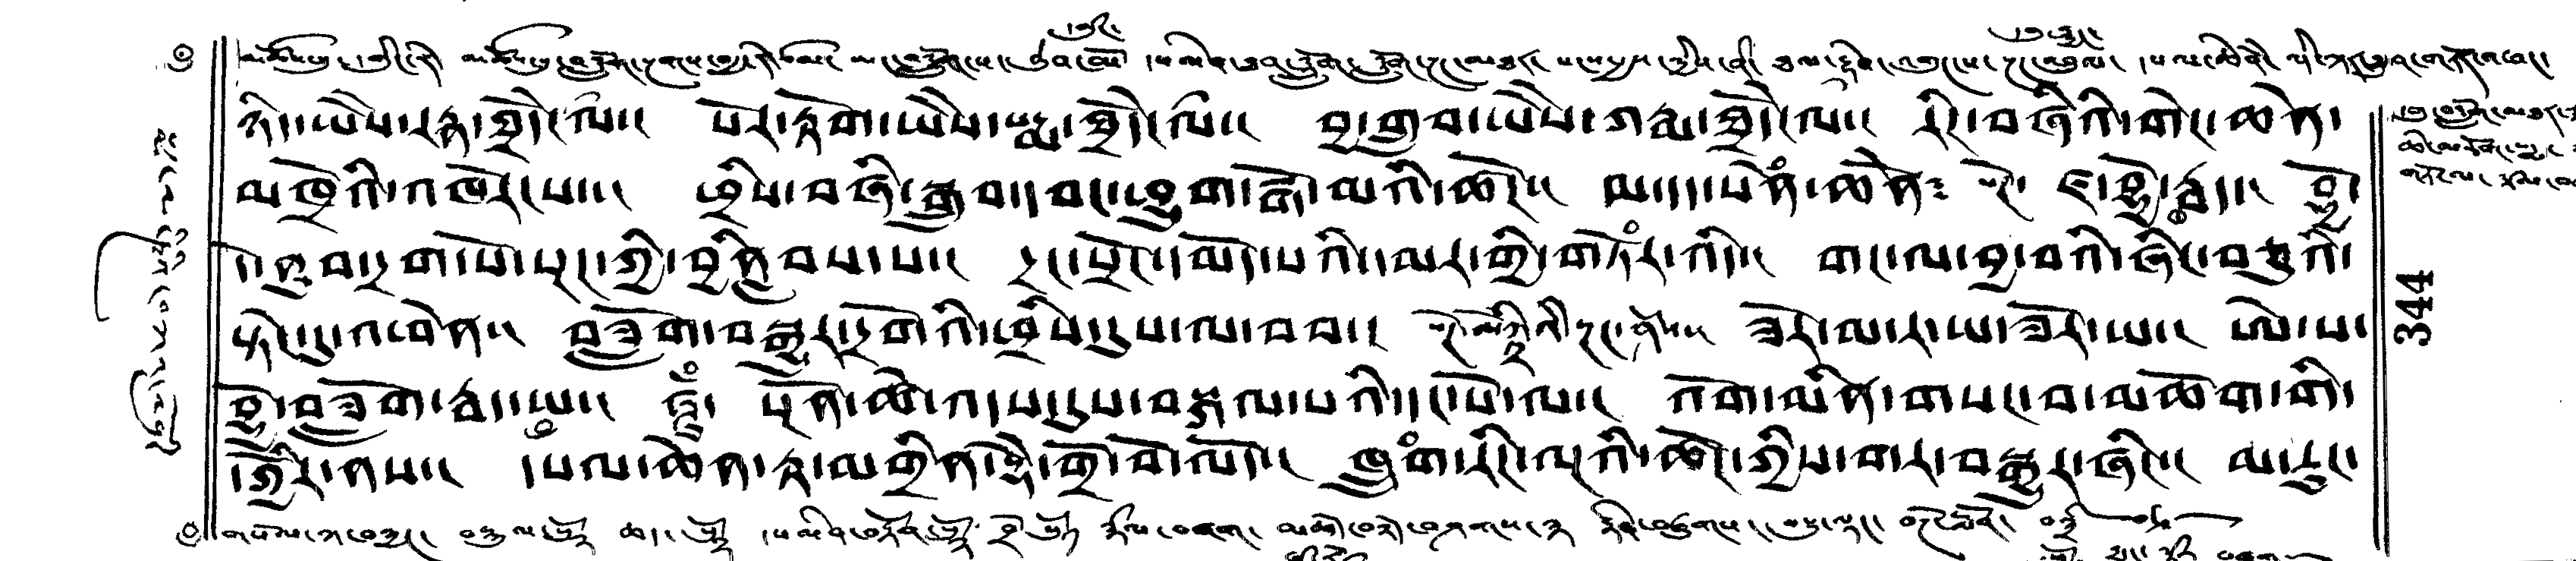ཉིད་ཡེ་ཤེས་རཏྣ་ཐོད་ཕྲེང་རྩལ། །སོར་རྟོགས་ཡེ་ཤེས་པདྨ་ཐོད་ཕྲེང་རྩལ། །བྱ་གྲུབ་ཡེ་ཤེས་ཀརྨ་ཐོད་ཕྲེང་རྩལ། །རིགས་བཞིའི་གིང་ཆེན་
མཁའ་འགྲོའི་འཁོར་དང་བཅས། །ཕྲིན་ལས་བཞི་སྒྲུབ་དབང་ཕྱུག་སྒོ་མའི་ཚོགས། །མ་དད་སེམས་ཅན་ཆེན་པོ༴སོགས། ཛ་བྷྱོ་རྦད། བྷྱོ། 
དོ་ནུབ་དྲག་པོ་སྔགས་ཀྱི་བྱིན་བརླབས་པ། །དྲང་སྲོང་དམོད་པའི་དམར་གྱི་གཏོར་མ་འདི། །གང་ལ་བྱ་བའི་ཞིང་བཅུའི་
སྟེང་དུ་འཕེན། །ཟློག་སྒྱུར་དྲག་པོའི་ཕྲིན་ལས་དུས་ལ་བབ། སོགས་ལོཀྟྲིའི་སྔགས་ཤམས། ཟོར་མ་ར་ཡ་ཟོར་ཡ། ཨེ་ས་
བྷྱོ་བཟློག་རྦད་ཡ། ཧཱུྃ། སྔོན་ཚེ་འདས་དུས་བསྐལ་པའི་དང་པོ་ལ། །འོག་མིན་གསང་བ་མཆོག་གི་
དཀྱིལ་འཁོར་ནས། །དཔལ་ཆེན་རྟ་མགྲིན་རྡོ་རྗེ་གྲོ་བོ་ལོད། ཁྲག་འཐུང་རིགས་ལྔའི་ཚོགས་ཀྱིས་གར་བསྒྱུར་ཞིང་། །མ་རུང་